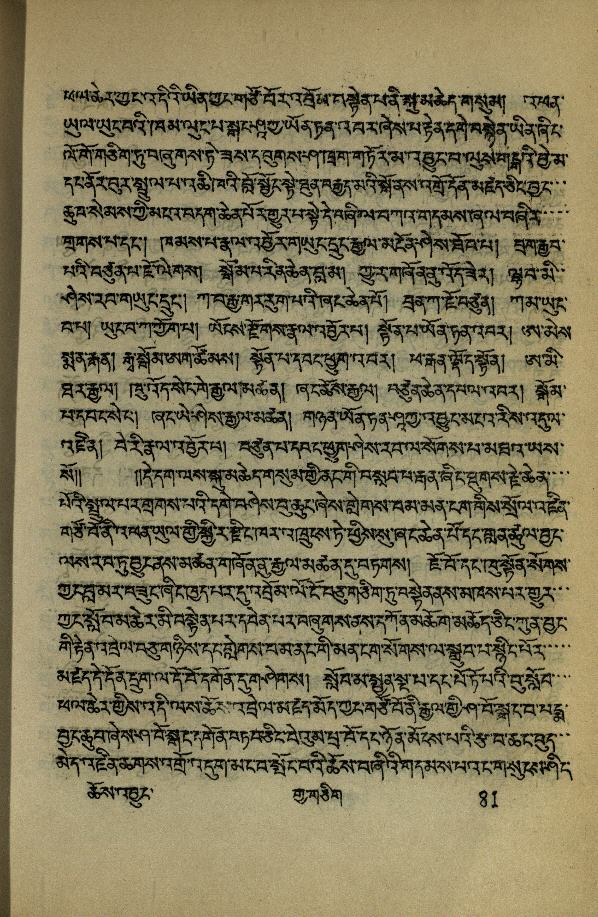ཕལ་ཆེར་ཀྱང་འདིའི་ཡིན་ཀྱང་གཙོ་བོར་འབྲོམ་བསྟེན་པ་ནི་སྐུ་མཆེད་གསུམ། འཕན་
ཡུལ་ཡུང་བའི་ཁམ་ལུང་པ་སྒང་ཤཱཀྱ་ཡོན་ཏན་འབར་ཞེས་པ་རྟེན་དགེ་བསྙེན་ཡིན་ཞིང་
ལོ་གོ་གཅིག་ཏུ་བཞུགས་ཏེ་ཟས་དབུགས་ཤ་ཁྲག་གཏོར་མ་འབྱུང་བ་ལུས་གངྒའི་བྱེ་མ་
དང་ནོར་བུར་སྤྲུལ་པ་འཆི་ཁའི་བློ་སྦྱོང་སྟེ་ཐུན་བརྒྱད་མའི་སྒོ་ནས་འགྲོ་དོན་མཛད་ཅིང་བྱང་
ཆུབ་སེམས་ཀྱི་མངའ་བདག་ཆེན་པོར་གྱུར་པ་སྟེ་དེ་བཞི་ལ་བཀའ་གདམས་ཞལ་བཞིར་
གྲགས་པ་དང་། ཁམས་པ་རྣལ་འབྱོར་གཡུང་དྲུང་རྒྱལ་མངོན་ཤེས་ཐོབ་པ། བྲག་རྒྱབ་
པའི་བཙུན་པ་ཇོ་ལེགས། སྒོམ་པ་རིན་ཆེན་བླ་མ། ཀྱུ་ར་གཞོན་ནུ་འོད་ཟེར། ལྷབ་མི་
ཤེས་རབ་གཡུང་དྲུང་། ཀ་བ་རྒྱ་གར་རུག་པའི་ཞང་ཆེན་པོ། བྲན་ཀ་ཇོ་བཙུན། ཀ་མ་ཡུང་
བ་པ། ཡུང་བ་ཀ་ཀྱོག་པ། ཡོངས་རྫོགས་རྣལ་འབྱོར་པ། སྟོན་པ་ཡོན་ཏན་འབར། ཨ་མེས་
སྨན་རྒན། རྒྭ་སྒོམ་ཨག་ཚོམས། སྟོན་པ་དབང་ཕྱུག་འབར། ཕ་རྒན་ལྡོད་སྟོན། ཨ་མི་
ཐར་རྒྱལ། ཁུ་འོད་སེང་གེ་རྒྱལ་མཚན། ཞང་ཆོས་རྒྱལ། བཙུན་ཆེན་དཔལ་འབར། སྒོམ་
པ་དབང་སེང་། ཞང་ཡེ་ཤེས་རྒྱལ་མཚན། གཉན་ཡོན་ཏན་ཤཱཀྱ་འབྱུང་མངའ་རིས་འདུལ་
འཛིན། བེ་རི་རྣལ་འབྱོར་པ། བཙུན་པ་དབང་ཕྱུག་ཤེས་རབ་ལ་སོགས་པ་མཐའ་ཡས་
སོ།། །།དེ་དག་ལས་སྐུ་མཆེད་གསུམ་གྱི་ནང་གི་བསླབ་པ་རྒན་ཞིང་ཐུགས་རྗེ་ཆེན་
པོའི་སྤྲུལ་པར་གྲགས་པའི་དགེ་བཤེས་བུ་ཆུང་ཞེས་གླེགས་བམ་མན་ངག་གིས་སྲོལ་འཛིན་
གཙོ་བོ་ནི་འཕན་ཡུལ་གྱི་སྐྱི་ར་རྫིང་ཁར་འཁྲུངས་ཏེ་ཕྱིས་སུ་ཞང་ཆེན་པོ་དང་གླན་ཚུལ་བྱང་
ལས་རབ་ཏུ་བྱུང་ནས་མཚན་གཞོན་ནུ་རྒྱལ་མཚན་དུ་བཏགས། ཇོ་བོ་དང་ཁུ་སྟོན་སོགས་
ཀྱང་བླ་མར་བཟུང་ཞིང་ཁྱད་པར་དུ་འབྲོམ་ལོ་ངོ་བཅུ་གཅིག་ཏུ་བསྟེན་ནས་མཁས་པར་གྱུར་
ཀྱང་སློབ་མ་ཆེར་མི་བསྟེན་པར་དབེན་པར་བཞུགས་ནས་དཀོན་མཆོག་མཆོད་ཅིང་ཀུན་བྱང་
གི་རྟེན་འབྲེལ་བཅུ་གཉིས་དང་གླེགས་བམ་ནང་གི་མན་ངག་སོགས་ལ་སྒྲུབ་པ་སྙིང་པོར་
མཛད་དེ་དོན་དྲུག་ལ་དོ་བོ་དགོན་དུ་གཤེགས། སློབ་མ་སྤྱན་སྔ་པ་དང་པོ་ཏི་པའི་བུ་སློབ་
ཕལ་ཆེར་གྱིས་འདི་ལས་ཆོས་འབྲེལ་མཛད་མོད་ཀྱང་གཙོ་བོ་ནི་རྒྱལ་གྱི་ཤ་བོ་སྒང་བ་པདམ་
བྱང་ཆུབ་ཞེས་ཤ་བོ་སྒང་དགོན་བཏབ་ཅིང་བེའུམ་པྲ་བོ་དང་ཉོན་མོངས་པའི་རྩ་བ་ཆང་བུད་
མེད་འཛིན་ཆགས་འགྲོ་འདུག་མང་བ་སྤོང་བའི་ཆོས་བཞིའི་གདམས་པའང་གསུངས་ཤིང་